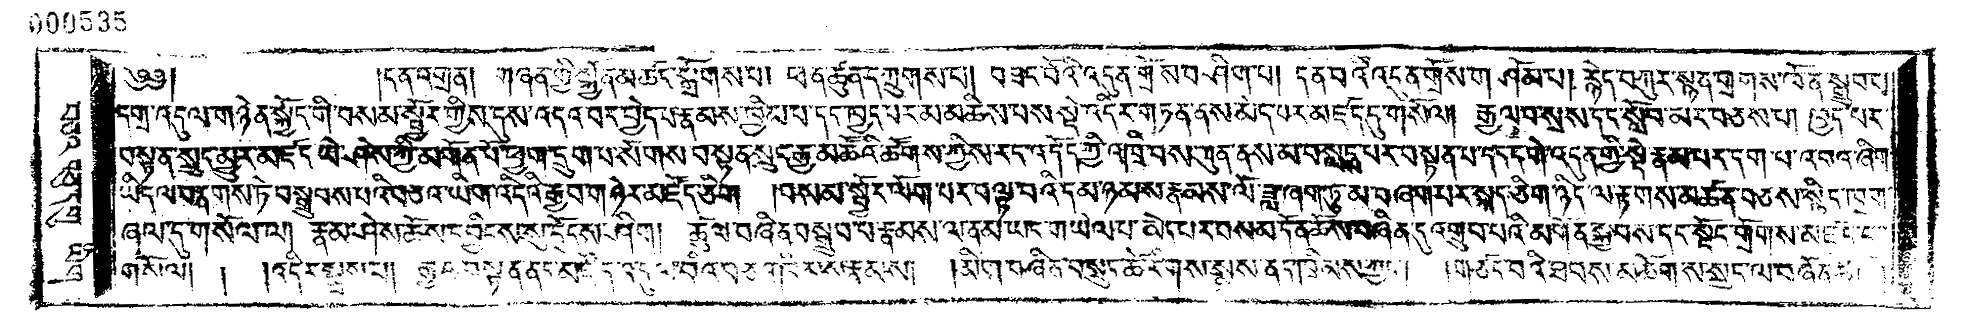༄༅། །ངན་འགྲན། གཞན་གྱི་སྐྱོན་མཚང་སྒྲོགས་པ། ཕན་ཚུན་དཀྲུགས་པ། བཟང་པོའི་འདུན་གྲོས་བཤིག་པ། དན་པའི་འདུན་གྲོས་གཤོམ་པ། རྙེད་བཀུར་སྙན་གྲགས་ཁོ་ན་སྒྲུབ་པ་
དགྲ་འདུལ་གཉེན་སྐྱོང་གི་བསམ་སྦྱོར་གྱིས་དུས་འདའ་བར་བྱེད་པ་རྣམས་ཁྱིམ་པ་དང་ཁྱད་པར་མ་མཆིས་པས་སྡེ་འདིར་གཏན་ནས་མེད་པར་མཛད་དུ་གསོལ། རྒྱལ་བ་སྲས་དང་སློབ་མར་བཅས་པ། ཁྱད་པར་
བསྟན་སྲུང་མྱུར་མཛད་ཡེ་ཤེས་ཀྱི་མགོན་པོ་ཕྱག་དྲུག་པ་སོགས་བསྟན་སྲུང་རྒྱ་མཚོའི་ཚོགས་ཀྱིས་རང་འདོད་ཀྱི་འཁྲི་བས་ཀུན་ནས་མ་བསླངས་པར་བསྟན་པ་དང་དགེ་འདུན་གྱི་སྡེ་རྣམ་པར་དག་པ་འབའ་ཞིག་
ཡིད་ལ་བརྣགས་ཏེ་བསྒྲུབས་པའི་བཅའ་ཡིག་འདིའི་རྒྱབ་གཉེར་མཛོད་ཅིག །བསམ་སྦྱོར་ལོག་པར་བལྟ་བའི་དམ་ཉམས་རྣམས་ལོ་ཟླ་ཞག་ཏུ་མ་བཞག་པར་སྐད་ཅིག་ཉིད་ལ་རྟགས་མཚན་བཅས་སྙིང་ཁྲག་
ཞལ་དུ་གསོལ་ལ། རྣམ་ཤེས་ཆོས་དབྱིངས་སུ་དྲོངས་ཤིག །ཚུལ་བཞིན་བསྒྲུབ་པ་རྣམས་ལ་ནམ་ཡང་གཡེལ་བ་མེད་པར་བསམ་དོན་ཆོས་བཞིན་དུ་འགྲུབ་པའི་མགོན་སྐྱབས་དང་སྡོང་གྲོགས་མཛད་དུ་
གསོལ༑ ༑འདིར་སྨྲས་པ། རྒྱལ་བསྟན་ནང་མཛོད་འདུལ་བའི་བཅའ་ཁྲིམས་རྣམས། །མིག་བཞིན་བསྲུང་ཚེ་རིགས་སྨྲས་ནང་ཁྲིམས་ཀྱང་། །གཙང་བའི་ཐབས་མཆོག་ས་སྲུང་ལ་བཞོན་ཚེ། །